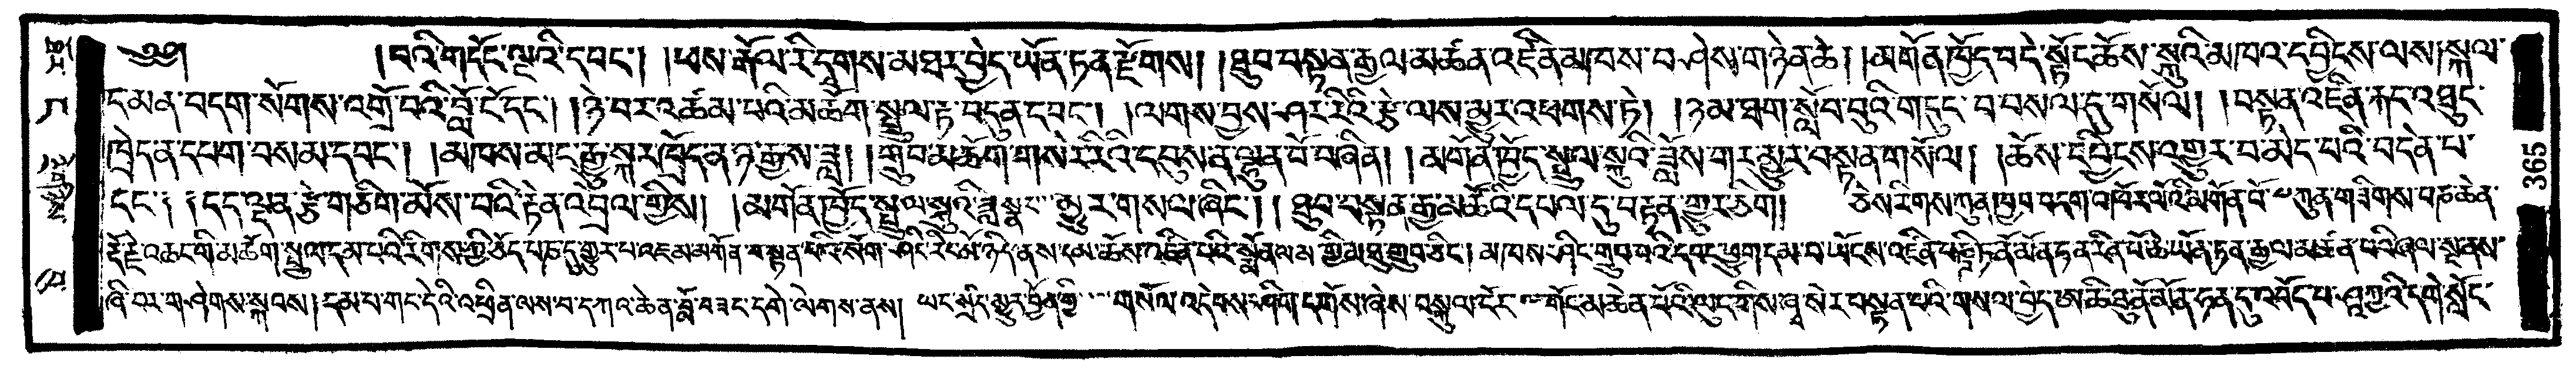༄༅། །བའི་གདོང་ལྔའི་དབང་། །ཕས་རྒོལ་རི་དྭགས་མཐར་བྱེད་ཡོན་ཏན་རྫོགས། །ཐུབ་བསྟན་རྒྱལ་མཚན་འཛིན་མཁས་བཤེས་གཉེན་ཆེ། །མགོན་ཁྱོད་བདེ་སྟོང་ཆོས་སྐུའི་མཁའ་དབྱིངས་ལས། སྐལ་
དམན་བདག་སོགས་འགྲོ་བའི་བློ་ངོ་དང་། །ཉེ་བར་འཚམ་པའི་མཆོག་སྤྲུལ་རྟ་བདུན་དབང་། །ལགས་བྱས་ཤར་རིའི་རྩེ་ལས་མྱུར་འཕགས་ཏེ། །ཉམ་ཐག་སློབ་བུའི་གདུང་བ་བསལ་དུ་གསོལ། །བསྟན་འཛིན་རྐང་འཐུང་
ཁྲོད་ན་དཔག་བསམ་དབང་། །མཁས་མང་རྒྱུ་སྐར་ཁྲོད་ན་ཉ་རྒྱས་ཟླ། །གྲུབ་མཆོག་གསེར་རིའི་དབུས་ན་ལྷུན་པོ་བཞིན། །མགོན་ཁྱོད་སྤྲུལ་སྐུའི་ཟློས་གར་མྱུར་བསྟན་གསོལ། །ཆོས་དབྱིངས་འགྱུར་བ་མེད་པའི་བདེན་པ་
དང་། །དད་ལྡན་རྩེ་གཅིག་མོས་པའི་རྟེན་འབྲེལ་གྱིས། །མགོན་ཁྱོད་སྤྲུལ་སྐུའི་ཟླ་སྣང་མྱུར་གསལ་ཞིང་། །ཐུབ་བསྟན་རྒྱ་མཚོའི་དཔལ་དུ་བརྟན་གྱུར་ཅིག །ཅེས་རིགས་ཀུན་ཁྱབ་བདག་འཁོར་ལོའི་མགོན་པོ ༧་ཀུན་གཟིགས་པཎ་ཆེན་
རྡོ་རྗེ་འཆང་གི་མཆོག་སྤྲུལ་དམ་པའི་རིགས་ཀྱི་ཅོད་པཎ་དུ་གྱུར་པ་འཇམ་མགོན་བསྟན་པའི་སོག་ཤིང་རིང་མོ་ཉིད་ནས་དམ་ཆོས་འཛིན་པའི་སྨོན་ལམ་གྱི་མཐུ་གྲུབ་ཅིང་། །མཁས་ཤིང་གྲུབ་པའི་དབང་ཕྱུག་དམ་པ་ཡོངས་འཛིན་པཎྜི་ཏ་ནོ་མོན་ཧན་རིན་པོ་ཆེ་ཡོན་ཏན་རྒྱལ་མཚན་པའི་ཞལ་སྔ་ནས་
ཞི་བར་གཤེགས་སྐབས། དམ་པ་གང་དེའི་འཕྲིན་ལས་བ་དཀའ་ཆེན་བློ་བཟང་དགེ་ལེགས་ནས། ཡང་སྲིད་མྱུར་བྱོན་གྱི་གསོལ་འདེབས་ཤིག་དགོས་ཞེས་བསྐུལ་ངོར ༧་གོང་མ་ཆེན་པོའི་ལུང་གིས་ཞྭ་སེར་བསྟན་པའི་གསལ་བྱེད་ཨ་ཆི་ཐུ་ནོ་མོན་ཧན་དུ་འབོད་པ་ཤཱཀྱའི་དགེ་སློང་